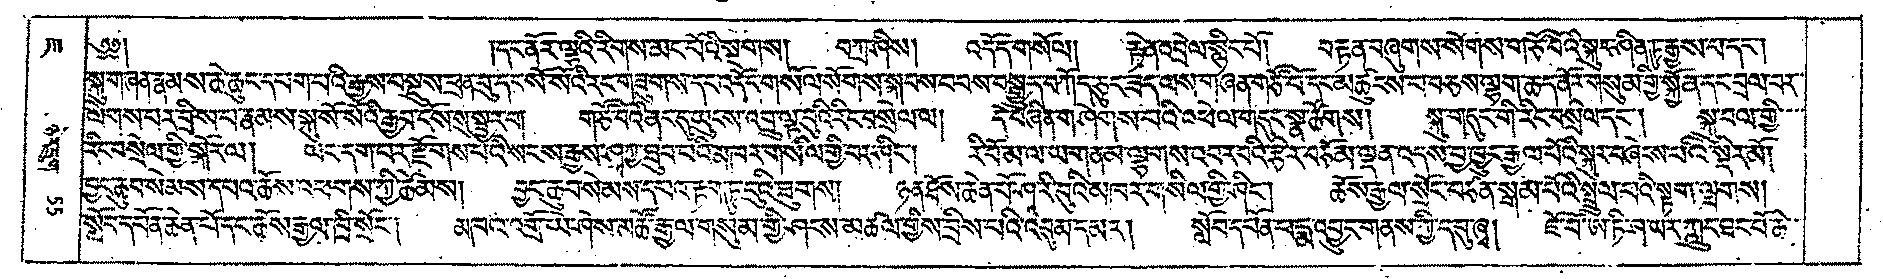༄༅། །དང་ནོར་ལྷའི་རིགས་མང་པོའི་སྔགས། བཀྲ་ཤིས། འདོད་གསོལ། རྟེན་འབྲེལ་སྙིང་པོ། བརྟན་བཞུགས་སོགས་གཙོ་བོའི་སྐུར་ཤིན་ཏུ་རྒྱས་པ་དང་།
སྐུ་གཞན་རྣམས་ཆེ་ཆུང་དཔག་པའི་རྒྱས་བསྡུས་ཕྲན་བུ་དང་སོ་སོའི་རང་གཟུགས་དང་འདོད་གསོལ་སོགས་སྐབས་བབས་བསྒྱུར་བཀོད་ཅུང་ཟད་ལས་གཞན་གཙོ་བོ་དང་མཚུངས་པ་བཅས་ལྷག་ཆད་ནོར་གསུམ་གྱི་སྐྱོན་དང་བྲལ་བར་
ལེགས་པར་བྲིས་པ་རྣམས་སྐུ་སོ་སོའི་རྒྱབ་ངོས་སུ་སྦྱར་བ། གཙོ་བོའི་ནང་དུ་ཡུངས་འབྲུ་ལྟ་བུའི་རིང་བསྲེལ་ལ། དེ་བཞིན་གཤེགས་པའི་འཕེལ་གདུང་སྣ་ཚོགས། སྐུ་གདུང་གི་རིང་བསྲེལ་དང་། སྐུ་བལ་གྱི་
རིང་བསྲེལ་གྱི་སྐོར་ལ། ཡང་དག་པར་རྫོགས་པའི་སངས་རྒྱས་ཤཱཀྱ་ཐུབ་པའི་མཁར་གསིལ་གྱི་བར་ཤིང་། རི་བོ་མ་ལ་ཡ་གནམ་ལྕགས་འབར་བའི་རྩེར་བཅོམ་ལྡན་འདས་བྱ་ཁྱུང་རྒྱལ་པོའི་སྐུར་བཞེངས་པའི་སྡེར་མོ།
བྱང་ཆུབ་སེམས་དཔའ་ཆོས་འཕགས་ཀྱི་ཚེམས། བྱང་ཆུབ་སེམས་དཔའ་རྟག་ཏུ་ངུའི་ཐུགས། ཉན་ཐོས་ཆེན་པོ་ཤཱརི་བུའི་མཁར་གསིལ་གྱི་ཤིང་། ཆོས་རྒྱལ་སྲོང་བཙན་སྒམ་པོའི་སྤྲུལ་པའི་སྟག་ལྤགས།
སློབ་དཔོན་ཆེན་པོ་དང་ཆོས་རྒྱལ་ཁྲི་སྲོང་། མཁའ་འགྲོ་ཡེ་ཤེས་མཚོ་རྒྱལ་གསུམ་གྱི་ཤངས་མཚལ་གྱིས་བྲིས་པའི་འབུམ་དམར། སློབ་དཔོན་པདམ་འབྱུང་གནས་ཀྱི་དབུ་ཞྭ། ཇོ་བོ་ཨ་ཏི་ཤ་ཡར་ཀླུང་ཐང་པོ་ཆེ་